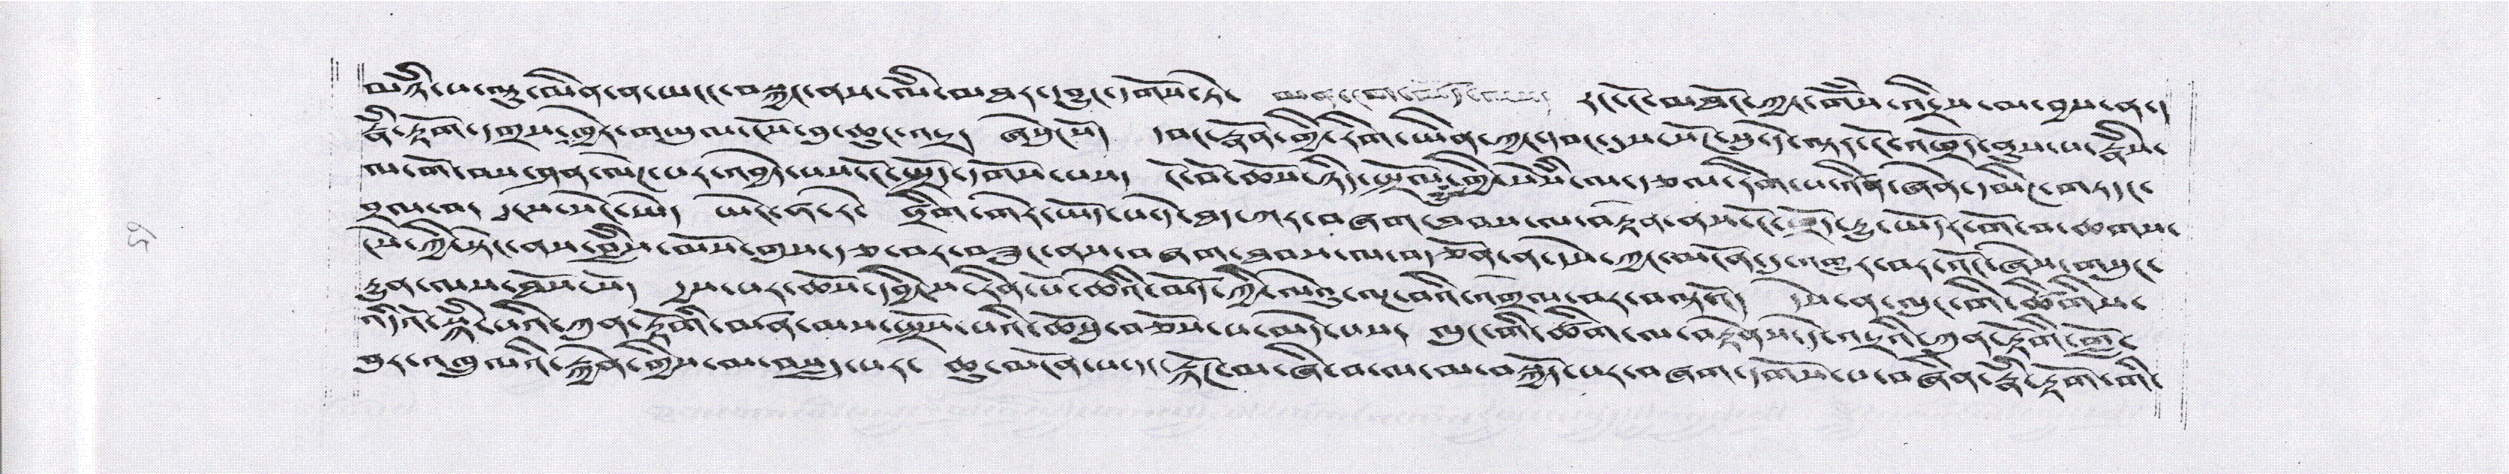མཉམ་པ་ལྟ་བུ་མིན་ན་ཡང་ཡང་བསྐྱངས་ནས་ལམ་མཐར་དབྱུང་དགོས་ཏེ། མན་ངག་མཛོད་ལས། རང་ངོ་མཐོང་ཡང་གོམས་འདྲིས་མ་བྱས་ན། 
རྣམ་རྟོག་དགྲས་ཁྱེར་གཡུལ་ངོའི་བུ་ཆུང་འདྲ། ཞེས་གསུངས་སོ། དབང་རྣོན་གྱི་རིགས་ཡིན་ཀྱང་དབང་དུས་སོགས་སུ་དེ་ལྟར་ངོ་འཕྲོད་ནུས་པ་རྣམས་
ལ་གོ་བས་ཤན་ལེགས་པར་འབྱེད་པས་ངོ་སྤྲོད་དགོས་པས། ངོ་བོ་ཆོས་ཉིད་སྤྲོས་བྲལ་གྱི་སེམས་ལ་རྩལ་རིག་པ་འཛིན་ཞེན་དམིགས་གཏད་
དང་བྲལ་བ། དྭངས་སེང་ཡེ། ཡེང་ཧ་རེ། ཧྲིག་གེར་ཡོད་པ་དེ་ཐད་ཀར་བཞག་ཐབས་ལ་བརྟེན་ནས་ངོ་སྤྲོད་རྒྱུ་ཡོད་པ་གོ་བ་ཆགས་
ངེས་ཀྱི་སྟེང་ནས་བླ་མས་༼བླ་མ་ལ༽མོས་གུས་རྩ་བར་བཟུང་ནས་བཞག་ཐབས་ལ་བརྩོན་ན་དེས་ཀྱང་མངོན་དུ་འགྱུར་བར་འོང་ཞེས་གསུང་
རྒྱུན་ལས་ཐོས་སོ། རྒྱས་པར་ཆོས་དབྱིངས་རིན་པོ་ཆེའི་མཛོད་ཀྱི་ལེའུ་ལྔ་པའི་འགྲེལ་བར་བལྟའོ། དེས་ན་ལུང་གི་ཚིག་གིས་
འདིའོ་སྙམ་པའི་ཀུན་རྟོག་གི་མཚན་མས་སྤྲོས་པའི་ཆོས་སུ་བཅོས་པ་མེད་པས། ལུང་གི་ཚིག་ལ་བརྟེན་ནས་དེ་འདྲའི་ཀུན་རྟོག་གི་གློ་
བུར་འཁྲུལ་པའི་རྐྱེན་གྱིས་མ་བསླད་པར། ཆུ་མངོན་པ་དང་རྙོགས་མ་ཞི་བ་ལ་མ་བསྐྱོད་པར་བཞག་དགོས་པ་བཞིན་རྣམ་རྟོག་གི་